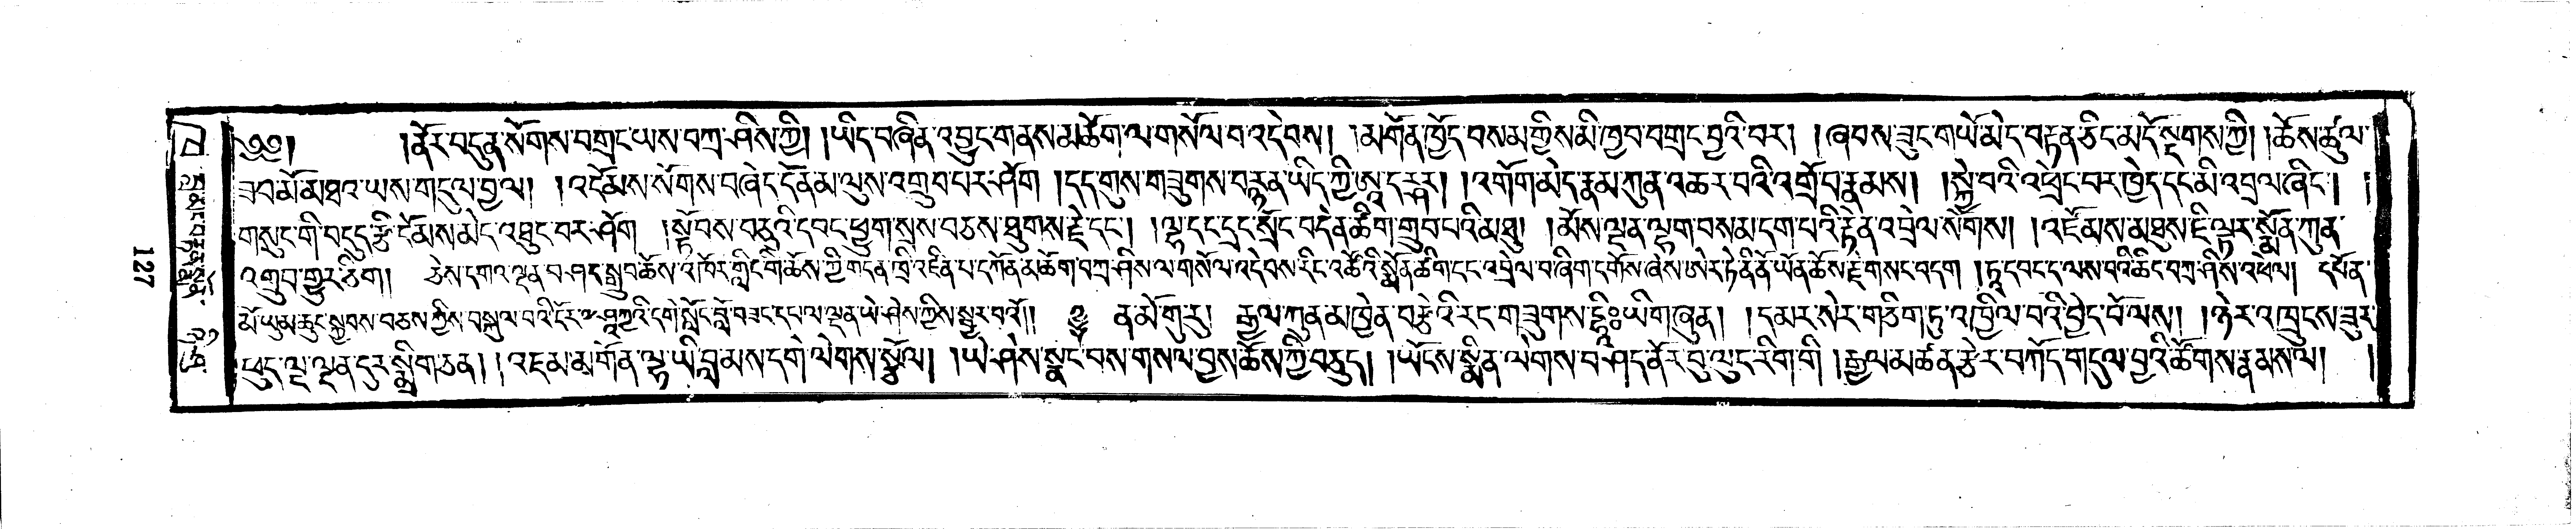༄༅། །ནོར་བདུན་སོགས་བགྲང་ཡས་བཀྲས་ཤིས་ཀྱི། །ཡིད་བཞིན་འབྱུང་གནས་མཆོག་ལ་གསོལ་བ་འདེབས། །མགོན་ཁྱོད་བསམ་གྱིས་མི་ཁྱབ་བགྲང་བྱའི་བར། །ཞབས་ཟུང་གཡོ་མེད་བརྟན་ཅིང་མདོ་སྔགས་ཀྱི། །ཆོས་ཚུལ་
ཟབ་མོ་མཐའ་ཡས་གདུལ་བྱ་ལ། །འདོམས་སོགས་བཞེད་དོན་མ་ལུས་འགྲུབ་པར་ཤོག །དད་གུས་གཟུགས་བརྙན་ཡིད་ཀྱི་ཨཱ་ད་རྴར། །འགོག་མེད་རྣམ་ཀུན་འཆར་བའི་འགྲོ་བ་རྣམས། །སྐྱེ་བའི་འཕྲེང་བར་ཁྱེད་དང་མི་འབྲལ་ཞིང་།
གསུང་གི་བདུད་རྩི་ངོམས་མེད་འཐུང་བར་ཤོག །སྟོབས་བཅུའི་དབང་ཕྱུག་སྲས་བཅས་ཐུགས་རྗེ་དང་། །ལྷ་དང་དྲང་སྲོང་བདེན་ཚིག་གྲུབ་པའི་མཐུ། །མོས་ལྡན་ལྷག་བསམ་དག་པའི་རྟེན་འབྲེལ་སོགས། །འཛོམས་མཐུས་ཇི་ལྟར་སྨོན་ཀུན་
འགྲུབ་གྱུར་ཅིག། ཅེས་དགའ་ལྡན་བཤད་སྒྲུབ་ཆོས་འཁོར་གླིང་གི་ཆོས་ཀྱི་གདན་ཁྲི་འཛིན་པ་དཀོན་མཆོག་བཀྲ་ཤིས་ལ་གསོལ་འདེབས་རིང་འཚོའི་སྨོན་ཚིག་དང་འབྲེལ་བ་ཞིག་དགོས་ཞེས་ཨེར་ཏེ་ནི་ནོ་ཡོན་ཆོས་རྗེ་གསང་བདག །ཏཱ་དབང་ད་ལས་བའི་ཆིང་བཀྲ་ཤིས་འཕེལ། དཔོན་
མོ་ཡུམ་ཆུང་སྐྱབས་བཅས་ཀྱིས་བསྐུལ་བའི་ངོར་༧་ཤཱཀྱའི་དགེ་སློང་བློ་བཟང་དཔལ་ལྡན་ཡེ་ཤེས་ཀྱིས་སྦྱར་བའོ།། ༈ ན་མོ་གུ་རུ། རྒྱལ་ཀུན་མཁྱེན་བརྩེའི་རང་གཟུགས་དྷཱིཿ ཡིག་ཞུན། །དམར་སེར་གཅིག་ཏུ་འཁྱིལ་བའི་བྱེད་བོ་ལས། །ཉེར་འཁྲུངས་ཟུར་
ཕུད་ལྔ་ལྡན་དུར་སྨྲིག་ཅན། །འཇམ་མགོན་ལྷ་ཡི་བླ་མས་དགེ་ལེགས་སྩོལ། །ཡེ་ཤེས་སྣང་བས་གསལ་བྱས་ཆོས་ཀྱི་བཅུད། །ཡོངས་སྨིན་ལེགས་བཤད་ནོར་བུ་ལུང་རིག་གི །རྒྱལ་མཚན་རྩེར་བཀོད་གདུལ་བྱའི་ཚོགས་རྣམས་ལ། །